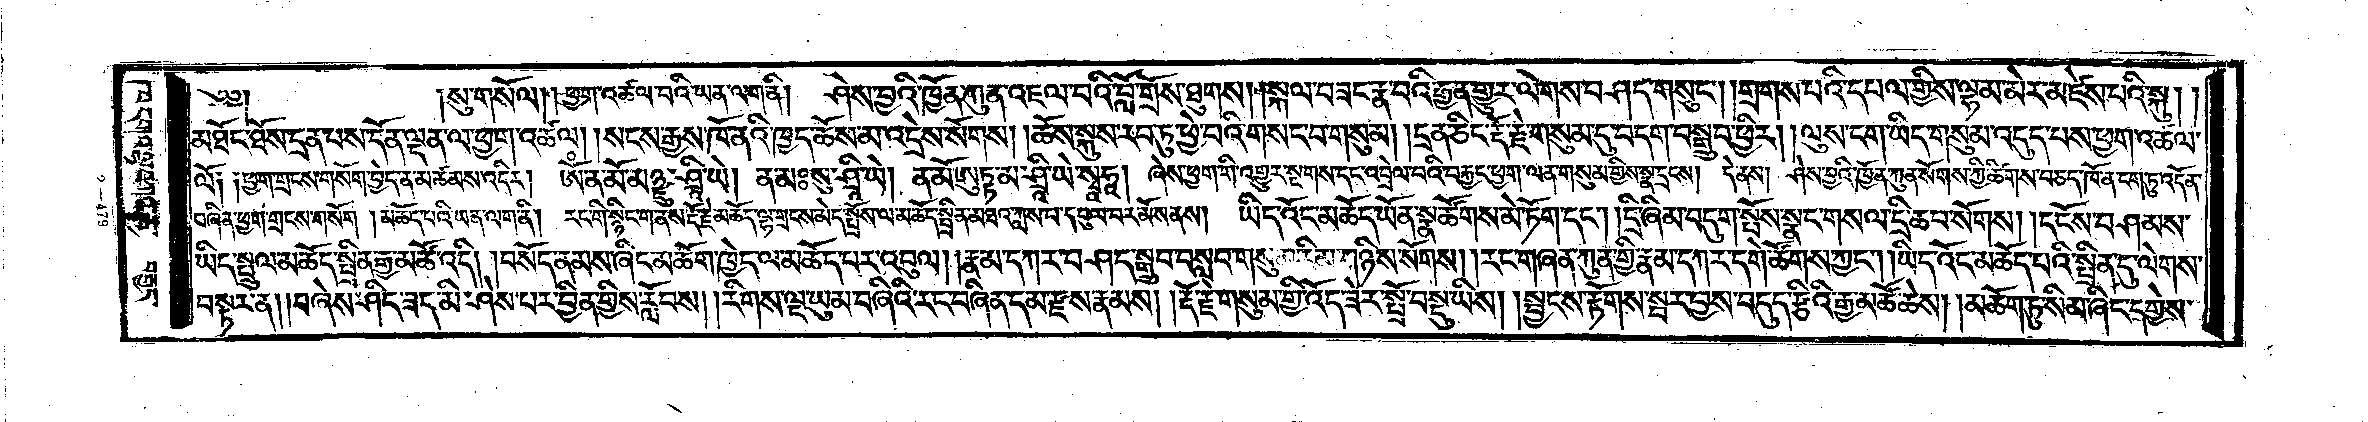༄༅། །སུ་གསོལ། །ཕྱག་འཚལ་བའི་ཡན་ལག་ནི།  ཤེས་བྱའི་ཁྱོན་ཀུན་འཇལ་བའི་བློ་གྲོས་ཐུགས། །སྐལ་བཟང་རྣ་བའི་རྒྱན་གྱུར་ལེགས་བཤད་གསུང་། །གྲགས་པའི་དཔལ་གྱིས་ལྷ་མ་མེར་མཛེས་པའི་སྐུ། །
མཐོང་ཐོས་དྲན་པས་དོན་ལྡན་ལ་ཕྱག་འཚལ། །སངས་རྒྱས་ཁོ་ནའི་ཁྱད་ཆོས་མ་འདྲེས་སོགས། །ཆོས་སྐུས་རབ་ཏུ་ཕྱེ་བའི་གསང་བ་གསུམ། །དྲན་ཅིང་རྡོ་རྗེ་གསུམ་དུ་བདག་བསྒྲུབ་ཕྱིར། །ལུས་ངག་ཡིད་གསུམ་འདུད་པས་ཕྱག་འཚལ་
ལོ༑ ༑ཕྱག་གྲངས་གསོག་བྱེད་ན་མཚམས་འདིར།  ཨོཾ་ན་མོ་མཉྫུ་ཤྲཱི་ཡེ། ན་མཿ སུ་ཤྲཱི་ཡེ། ན་མོ་ཨུཏྟ་མ་ཤྲཱི་ཡེ་སྭཱ་ཧཱ། ཞེས་ཕྱག་གི་འགྱུར་སྔགས་དང་འབྲེལ་བའི་བརྐྱང་ཕྱག་ལན་གསུམ་གྱིས་སྣ་དྲངས། དེ་ནས། ཤེས་བྱའི་ཁྱོན་ཀུན་སོགས་ཀྱི་ཚིགས་བཅད་ཁོ་ན་ངག་ཏུ་འདོན་
བཞིན་ཕྱག་གྲངས་གསོག །མཆོད་པའི་ཡན་ལག་ནི། རང་གི་སྙིང་གནས་རྡོ་རྗེ་མཆོད་ལྷ་གྲངས་མེད་སྤྲོས་ལ་མཆོད་སྤྲིན་མཐའ་ཀླས་པ་དབུལ་བར་མོས་ནས། ཡིད་འོང་མཆོད་ཡོན་སྣ་ཚོགས་མེ་ཏོག་དང་། །དྲི་ཞིམ་བདུག་སྦོས་སྣང་གསལ་དྲི་ཆབ་སོགས། །དངོས་བཤམས་
ཡིད་སྤྲུལ་མཆོད་སྤྲིན་རྒྱ་མཚོ་འདི། །བསོད་ནམས་ཞིང་མཆོག་ཁྱེད་ལ་མཆོད་པར་འབུལ། །རྣམ་དཀར་བཤད་སྒྲུབ་བསླབ་གསུམ་རིག་གཉིས་སོགས། །རང་གཞན་ཀུན་གྱི་རྣམ་དཀར་དགེ་ཚོགས་ཀྱང་། །ཡིད་འོང་མཆོད་པའི་སྤྲིན་དུ་ལེགས་
བསྟར་ན། །བཞེས་ཤིང་ཟད་མི་ཤེས་པར་བྱིན་གྱིས་རློབས། །རིགས་ལྔ་ཡུམ་བཞིའི་རང་བཞིན་དམ་རྫས་རྣམས། །རྡོ་རྗེ་གསུམ་གྱི་འོད་ཟེར་སྤྲོ་བསྡུ་ཡིས། །སྦྱངས་རྟོགས་སྦར་བྱས་བདུད་རྩིའི་རྒྱ་མཚོ་ཆེས། །མཆོག་ཏུ་སིམ་ཞིང་དགྱེས་